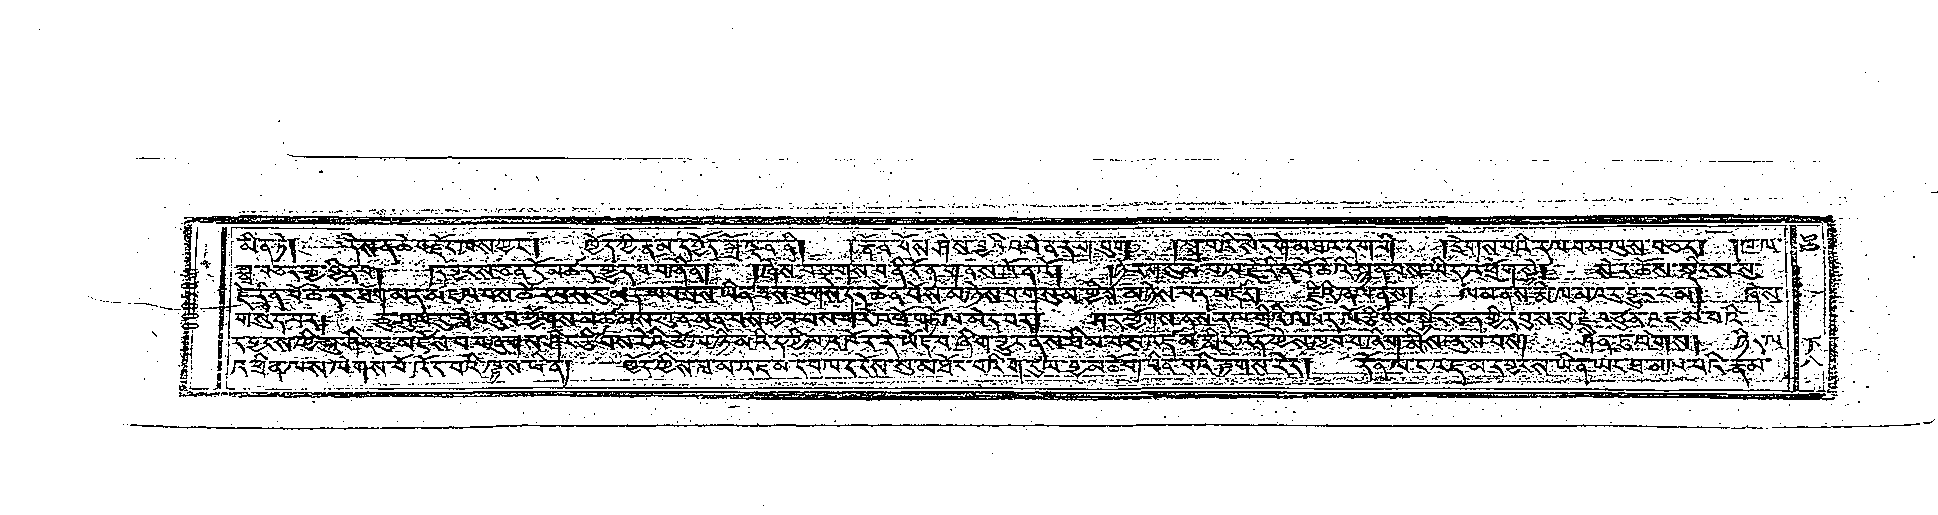མིན་ཏེ། དེས་ན་ཆེ་བརྗོད་ལས་ཀྱང་། ཁྱོད་ཀྱི་རྣམ་དཔྱོད་སྒྲོ་ལྡན་ནི། །རྣོན་པོས་ཤེས་བྱའི་འབེན་དག་ཕུག །སྨྲ་བའི་སེང་གེ་མཐའ་དག་གི །དྲེགས་བའི་རལ་བ་མ་ལུས་བཅད། །ཁ་ལ་
སྨྲ་བཅད་རྒྱ་བྱིན་པ། །དབྱངས་ཅན་ངོ་མཚར་གྱུར་པ་བཞིན། །ཞེས་བསྔགས་པ་ནི་དོན་གནས་ཁོ་ནའོ། །ཉེར་གསུམ་པ་ལ་རྗེ་རིན་པོ་ཆེའི་སྙན་བས་ཡིད་འཕྲོག་སྟེ། སེར་ཆོས་སྡིངས་སུ་
རྗེ་རིན་པོ་ཆེ་དང་ཐོག་མར་མཇལ་བས་ཚེ་རབས་དུ་མར་ཡབ་སྲས་ཡིན་གྲས་ཐུགས་དད་ཆེན་པོས་མཉེས་པ་གསུམ་གྱིས་མཉེས་པར་མཛད། རྗེའི་ཞལ་ནས། ལམ་ནས་རྨི་ལམ་འདྲ་བྱུང་ངམ། ཞེས་
གསུང་བར། ཆུ་ཤུལ་དུ་སླེབ་ནུབ་གྱོགས་མཚམས་ཀུན་མུན་པས་ཁྱབ་བས་གར་འགྲོ་གཏོལ་མེད་བར། ཤར་ཕྱོགས་ནས་རལ་གྲིའི་འཁོར་ལོ་རྩིབས་སྟོང་ཅན་གྱི་དབུས་སུ་རྗེ་བཙུན་འཇམ་པའི་
དབྱངས་ཀྱི་སྐུ་ཤིན་ཏུ་མཛེས་པ་བཞུགས་ཤིང་རྩིབས་རེའི་རྩེ་ལ་ཉི་མའི་དཀྱིལ་འཁོར་རེ་ཡོང་བ་ཞིག་བྱུང་ནས་ཐིམ་པས་འཛམ་གླིང་འོད་ཀྱིས་ཁྱབ་བ་ཞིག་རྨིས་ཞུས་བས། ཤིན་ཏུ་ལེགས། ཉིད་ལ་
འཕྲིན་ལས་ལེགས་པོ་འོང་བའི་ལྟས་ཡིན། ཁྱོད་ཀྱིས་བླ་མ་འཇམ་དཔལ་དངོས་སུ་མཐོང་བའི་གདུལ་བྱ་མཆོག་ཡིན་བའི་རྟགས་རེད། དོན་ལ་ང་འཇམ་དབྱངས་ཡིན་ཡང་ཐ་མལ་པའི་རྣམ་